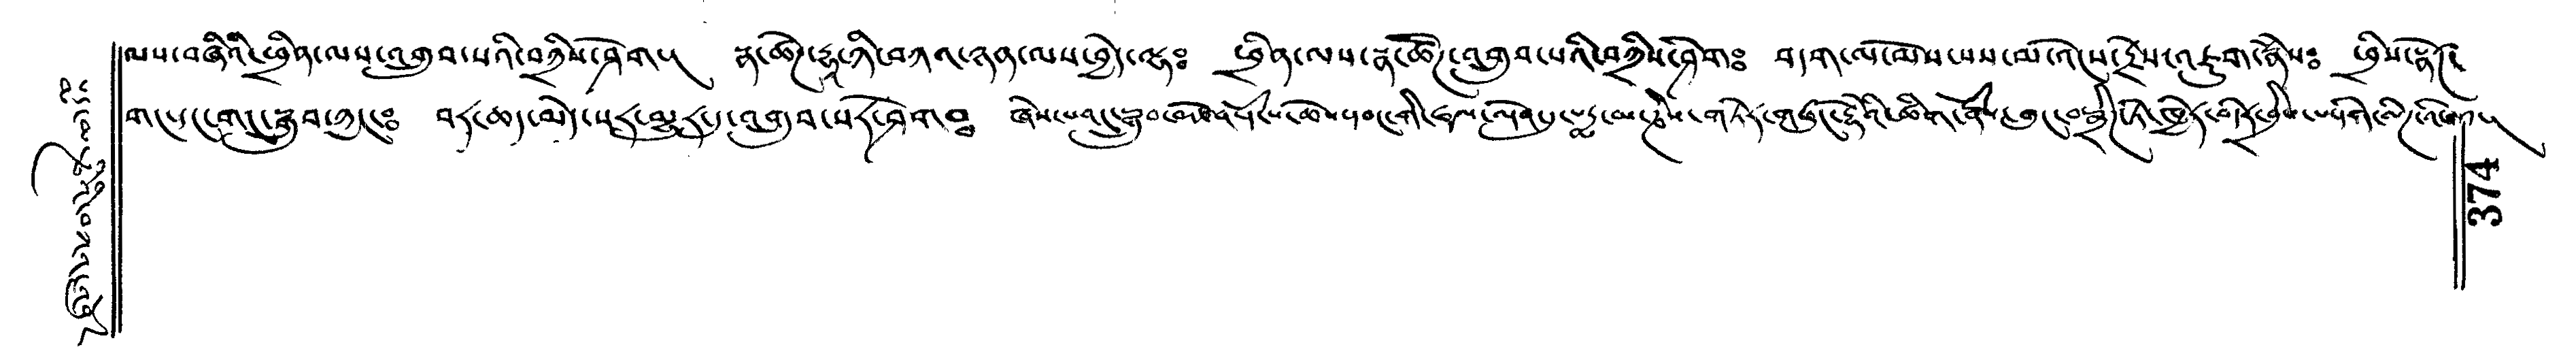ལས་བཞིའི་ཕྲིན་ལས་འགྲུབ་པའི་བཀྲ་ཤིས་ཤོག༔ སྣ་ཚོགས་དྷཱ་ཀི་བཀའ་ཉན་ལས་བྱེད་ལྷ༔ ཕྲིན་ལས་སྣ་ཚོགས་འགྲུབ་པའི་བཀྲ་ཤིས་ཤོག༔ བདག་ལ་མོས་པས་མ་འོངས་རྗེས་འཇུག་རྣམས༔ ཕྲིན་ལས་སྣ་ཚོགས་
གང་དང་གང་སྒྲུབས་ཀྱང་༔ བར་ཆད་མེད་པར་མྱུར་དུ་འགྲུབ་པར་ཤོག༔ ཞེས་པའང་སྒྲུབ་བརྩོན་དམ་པ་ཆོས་དབང་གི་ཞལ་འདོན་དུ་པདྨ་མ་ཎིས་གཏེར་གཞུང་རྡོ་རྗེའི་ཚིག་རྣམས་གུང་བསྒྲིགས་ཏེ་ཁྱེར་བདེར་བྲིས་པ་དགེ་ལེགས་འཕེལ།། བཀྲ་ཤིས།།